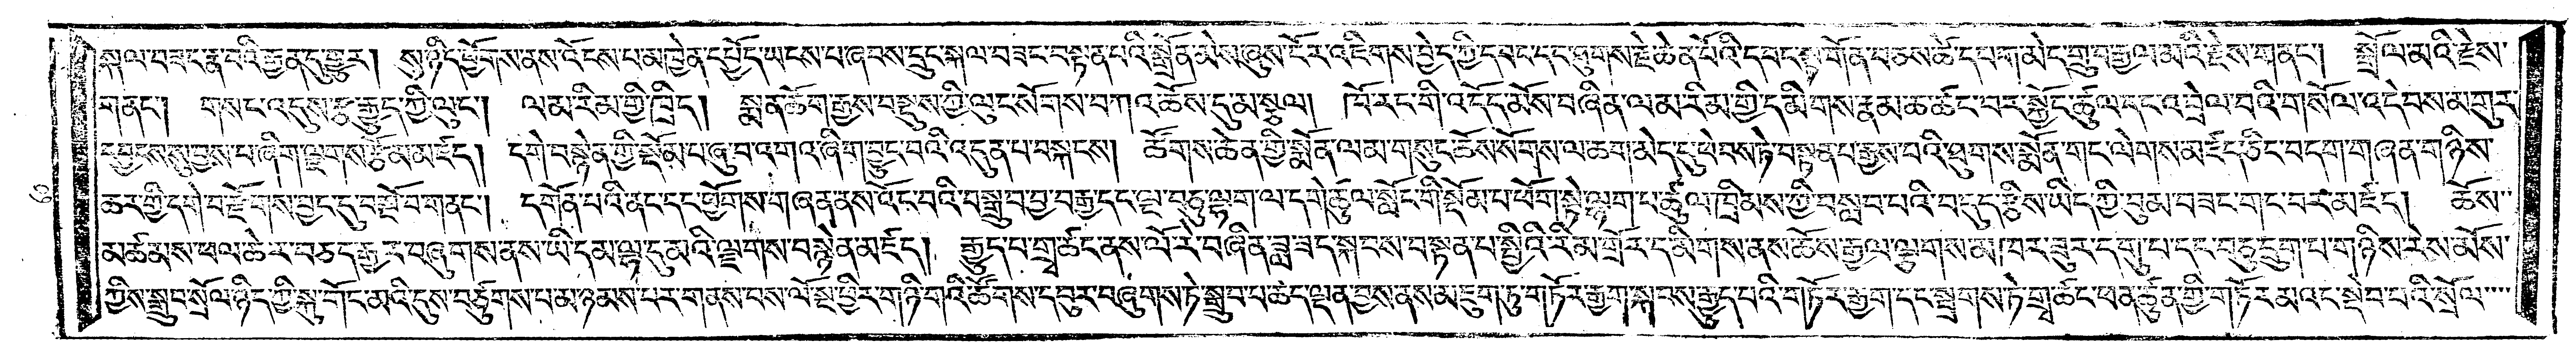སྐལ་བཟང་རྣ་བའི་རྒྱན་དུ་གྱུར། སུ་ཉིད་ཕྱོགས་ནས་འོངས་པ་མཁྱེན་དཔྱོད་ཡངས་པ་ཞབས་དྲུང་སྐལ་བཟང་བསྟན་པའི་སྒྲོན་མེས་ཞུས་ངོར་འཇིགས་བྱེད་ཀྱི་དབང་དང་ཐུགས་རྗེ་ཆེན་པོའི་དབང་སྟ་གོན་བཅས་ཚེ་དཔག་མེད་གྲུབ་རྒྱལ་མའི་རྗེས་གནང་། སྒྲོལ་མའི་རྗེས་
གནང་། གསང་འདུས་རྩ་རྒྱུད་ཀྱི་ལུང་། ལམ་རིམ་གྱི་ཁྲིད། སྨན་ཆོག་རྒྱས་བསྡུས་ཀྱི་ལུང་སོགས་བཀའ་ཆོས་དུ་མ་སྩལ། ཁོ་རང་གི་འདོད་མོས་བཞིན་ལམ་རིམ་གྱི་དམིགས་རྣམ་ཆ་ཚང་བར་སྐྱོང་ཚུལ་དང་འབྲེལ་བའི་གསོལ་འདེབས་མགུར་
དབྱངས་སུ་བྱས་པ་ཞིག་ལྗགས་རྩོམ་མཛད། དགེ་བསྙེན་གྱི་སྔོམ་པ་ཞུ་བ་འགའ་ཞིག་བྱུང་བའི་འདུན་པ་བསྐངས། ཚོགས་ཆེན་གྱི་སྨོན་ལམ་གསུང་ཆོས་སོགས་ལ་ཆག་མེད་དུ་ཕེབས་ཏེ་བསྟན་པ་རྒྱས་པའི་ཐུགས་སྨོན་གང་ལེགས་མཛད་ཅིང་བདག་གཞན་གཉིས་
ཆར་གྱི་དགེ་བ་རྫོགས་བྱང་དུ་བསྔོ་བ་གནང་། དགོན་པའི་ནང་དང་ཕྱོགས་གཞན་ནས་འོང་བའི་བསྒྲུབ་བྱ་བརྒྱ་དང་ལྔ་བཅུ་ལྷག་ལ་དགེ་ཚུལ་སློང་གི་སྡོམ་པ་ཕོག་སྟེ་ལྷག་པ་ཚུལ་ཁྲིམས་ཀྱི་བསླབ་པའི་བདུད་རྩིས་ཡིད་ཀྱི་བུམ་བཟང་གང་བར་མཛད། ཆོས་
མཚམས་ཕལ་ཆེར་བཅད་རྒྱར་བཞུགས་ནས་ཡིད་མ་ལྷ་དུ་མའི་ལྗགས་བསྙེན་མཛད། རྒྱུད་པ་གྲྭ་ཚང་ནས་ལོ་རེ་བཞིན་ཟླ་ཟད་སྐབས་བསྟན་པ་སྤྱིའི་རིམ་གྲོར་དམིགས་ནས་ཆོས་རྒྱལ་ལྕགས་མཁར་ཟུར་དགུ་པ་དང་བཅུ་དྲུག་པ་གཉིས་རེས་མོས་
ཀྱིས་སྒྲུབ་སྲོལ་ཉིད་ཀྱི་སྐུ་གོང་མའི་དུས་བཙུགས་བ་མཉམས་པར་གནས་བས་ལོ་སྔ་ཕྱིར་གཉི་གའི་ཚོགས་དབུར་བཞུགས་ཏེ་སྒྲུབ་པ་ཚད་ལྡན་བྱས་ནས་མཇུག་ཏུ་གཏོར་རྒྱག་སྐབས་རྒྱུད་པའི་གཏོར་རྒྱག་དང་སྦྲགས་ཏེ་གྲྭ་ཚང་ཕན་ཚུན་གྱི་གཏོར་མའང་སྡེབ་པའི་སྲོལ་